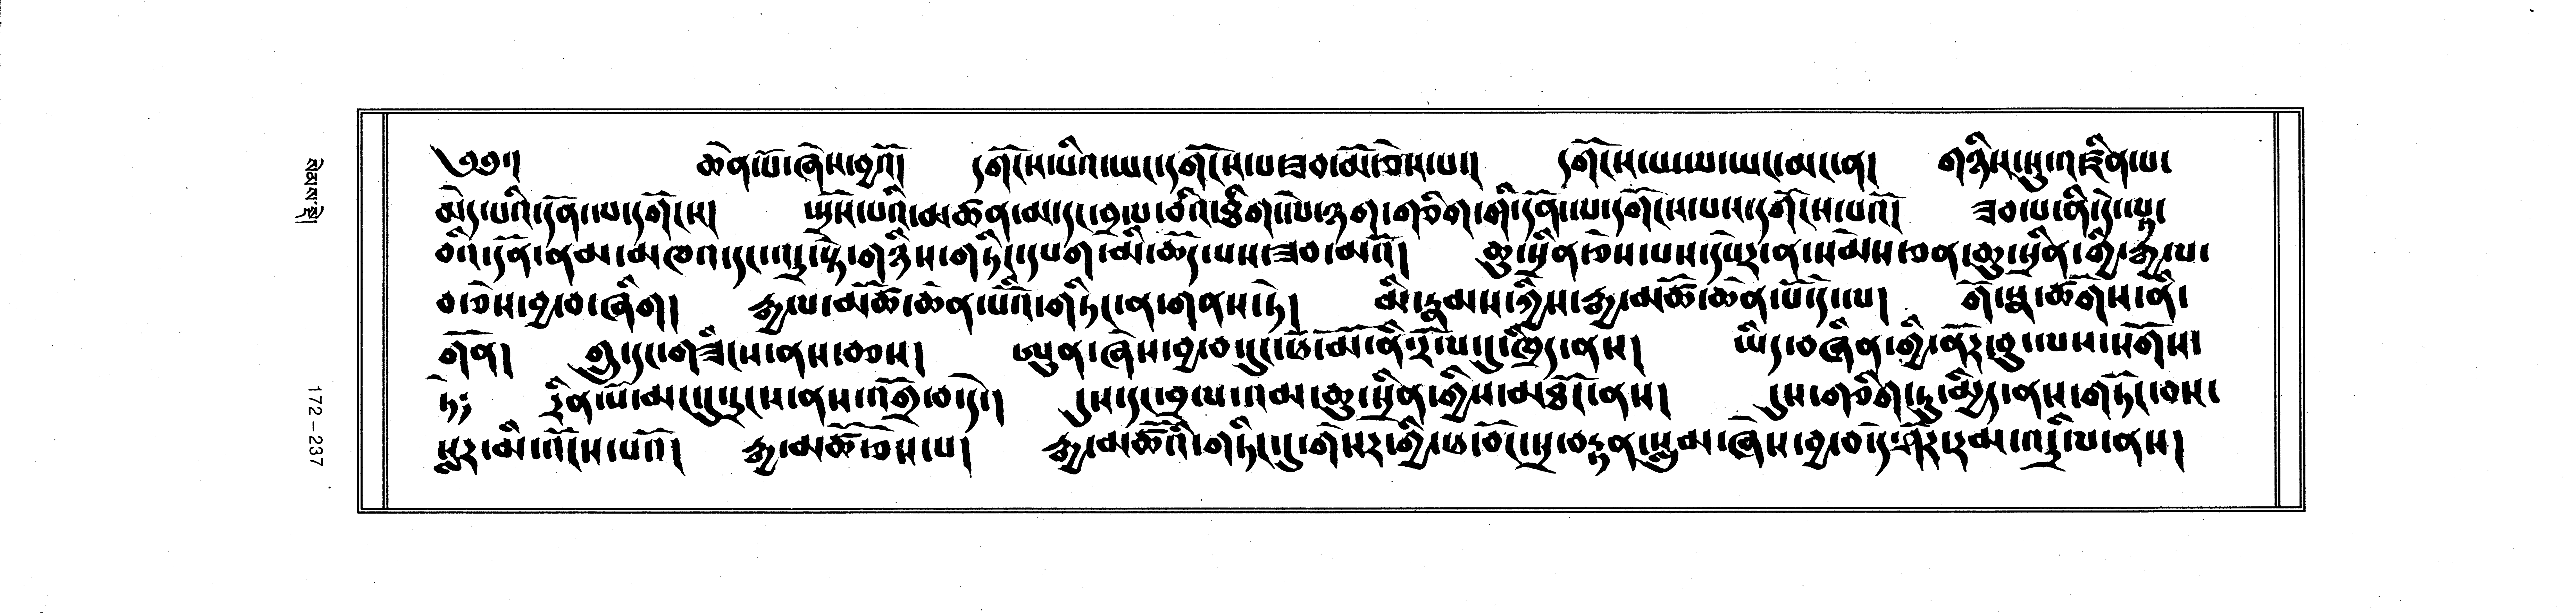ཆེན་པོ་ཞེས་བྱའོ། དགོངས་པའི་ཡང་དགོངས་པ་ཟབ་མོ་ཅེས་པ། དགོངས་པ་ལ་ཡང་མང་ན། གཉིས་སུ་འཛིན་པ་
མེད་པའི་དོན་ལ་དགོངས། སྤྲོས་པའི་མཚན་མ་དང་བྲལ་བའི་ཐིག་ལེ་ཉག་གཅིག་གི་དོན་ལ་དགོངས་པས་དགོངས་པའོ། ཟབ་པ་ནི་དེ་ལྟ་
བའི་དོན་ནམ་མཁའ་དང་འདྲ་སྟེ་གཉིས་གཏིང་དཔག་མི་ཆོད་པས་ཟབ་མོའོ། ཆུ་སྲིན་ཅེས་པས་དཔེར་ན་སེམས་ཅན་ཆུ་སྲིན་གྱི་རྒྱལ་
བོ་ཅེས་བྱ་བ་ཞིག རྒྱལ་མཚོ་ཆེན་པོའི་གཏིང་ན་གནས་ཏེ། མི་རྣམས་ཀྱིས་རྒྱ་མཚོ་ཆེན་པོ་དེ་ལ། གོས་སྣ་ཚོགས་ནི་
གོན། གྲུ་དང་གཟིངས་ནས་བཅས། ཨུན་ཞེས་བྱ་བ་དུང་ཕོ་མོ་ནི་རོལ་དུ་ཁྲིད་ནས། ཡིད་བཞིན་གྱི་ནོར་བུ་ལས་སོགས་
ཏེ། རིན་པོ་མང་དུ་དྲངས་ནས་འགྲོ་བ་དེ། དུས་དང་བྲལ་འམ་ཆུ་སྲིན་གྱིས་མཐོང་ནས། དུས་གཅིག་མྱིད་ནས་གཏོང་བས་
སླར་མི་འོངས་པའོ། རྒྱ་མཚོ་ཅེས་པ། རྒྱ་མཚོའི་གཏིང་དུ་གསེར་གྱི་ཕོ་བྲང་སྲ་བརྟན་སླུམ་ཞེས་བྱ་བ་དེ་ཤོར་རམ་འདྲིལ་ནས།